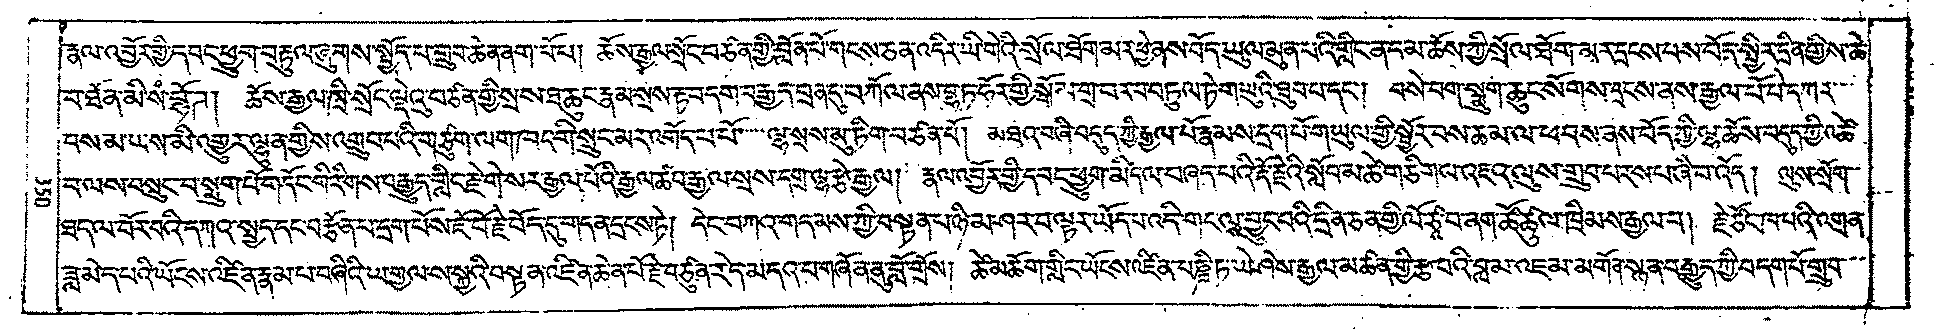རྣལ་འབྱོར་གྱི་དབང་ཕྱུག་བརྟུལ་ཞུགས་སྤྱོད་པ་གྲུབ་ཆེན་ནག་པོ་པ། ཆོས་རྒྱལ་སྲོང་བཙན་གྱི་བློན་པོ་གངས་ཅན་འདིར་ཡི་གེའི་སྲོལ་ཐོག་མར་ཕྱེ་ནས་བོད་ཡུལ་མུན་པའི་གླིང་ན་དམ་ཆོས་ཀྱི་སྲོལ་ཐོག་མར་དྲངས་པས་བོད་སྤྱིར་དྲིན་གྱིས་ཆེ་
བ་ཐོན་མི་སཾ་བྷོ་ཊ། ཆོས་རྒྱལ་ཁྲི་སྲོང་ལྡེའུ་བཙན་གྱི་སྲས་ཐ་ཆུང་རྣམ་སྲས་རྟ་བདག་བརྒྱད་བྲན་དུ་བཀོལ་ནས་བྷ་ཏ་ཧོར་གྱི་སྒོམ་གྲ་བར་པ་བཏུལ་ཏེ་གཡུའི་ཐུབ་པ་དང་། བསེ་བག་སྨུག་ཆུང་སོགས་དྲངས་ནས་རྒྱལ་པོ་པེ་དཀར་
བསམ་ཡས་མི་འགྱུར་ལྷུན་གྱིས་འགྲུབ་པའི་གཙུག་ལག་ཁང་གི་སྲུང་མར་འགོད་པ་པོ་ལྷ་སྲས་མུ་ཏིག་བཙན་པོ། མཐའ་བཞི་བདུད་ཀྱི་རྒྱལ་པོ་རྣམས་དྲག་པོ་གཡུལ་གྱི་སྦྱོར་བས་ཆམ་ལ་ཕབས་ནས་བོད་ཀྱི་ལྷ་ཆོས་བདུད་ཀྱི་འཚེ་
བ་ལས་བསྲུང་བ་སྨུག་པོ་གདོང་གི་རིགས་བརྒྱུད་གླིང་རྗེ་གེ་སར་རྒྱལ་པོའི་རྒྱལ་ཚབ་རྒྱལ་སྲས་དགྲ་ལྷ་རྩེ་རྒྱལ། རྣལ་འབྱོར་གྱི་དབང་ཕྱུག་མིད་ལ་བཞད་པའི་རྡོ་རྗེའི་སློབ་མ་ཚེ་གཅིག་ལ་འཇའ་ལུས་གྲུབ་པ་རས་པ་ཞི་པ་འོད། ལུས་སྲོག་
ཐད་ལ་བོར་བའི་དཀའ་སྤྱད་དང་བརྩོན་པ་དྲག་པོས་ཇོ་བོ་རྗེ་བོད་དུ་གདན་དྲངས་ཏེ། དེང་བཀའ་གདམས་ཀྱི་བསྟན་པ་ཉི་མ་ཤར་བ་ལྟར་ཡོད་པ་འདི་གང་ལས་བྱུང་བའི་དྲིན་ཅན་གྱི་ལོ་ཙཱ་བ་ནག་ཚོ་ཚུལ་ཁྲིམས་རྒྱལ་བ། རྗེ་ཙོང་ཁ་པའི་འགྲན་
ཟླ་མེད་པའི་ཡོངས་འཛིན་རྣམ་པ་བཞིའི་ཡ་གྱལ་ས་སྐྱའི་བསྟན་འཛིན་ཆེན་པོ་རྗེ་བཙུན་རེད་མདའ་བ་གཞོན་ནུ་བློ་གྲོས། ཚེ་མཆོག་གླིང་ཡོངས་འཛིན་པཎྜི་ཏ་ཡེ་ཤེས་རྒྱལ་མཚན་གྱི་རྩ་བའི་བླ་མ་འཇམ་མགོན་སྙན་བརྒྱུད་ཀྱི་བདག་པོ་གྲུབ་